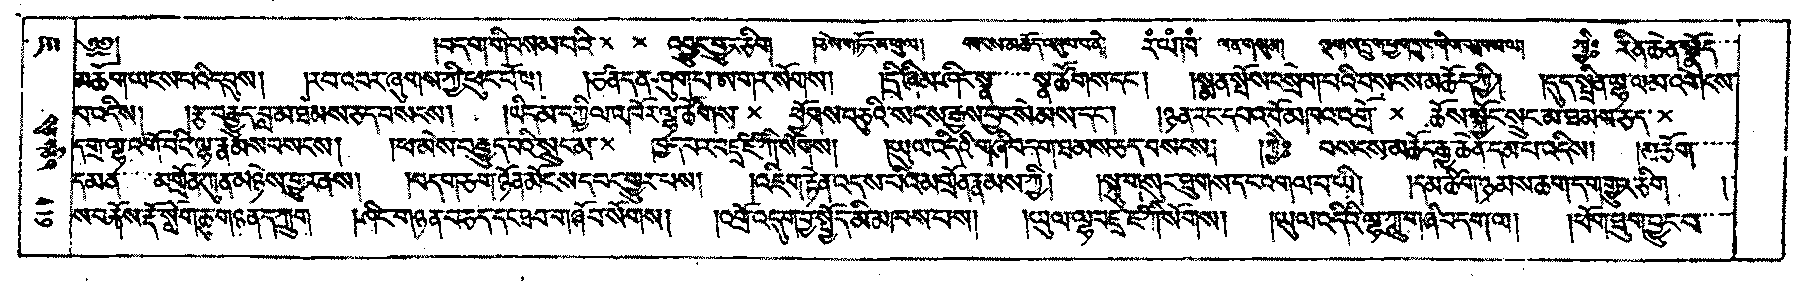༄༅། །བདག་གི་བསམ་པའི་྾་྾་འབྱུང་གྱུར་ཅིག ། ཅེས་གཏོར་མ་ཕུལ། བསངས་མཆོད་འབུལ་བ་ནི།  རཾ་ཡཾ་ཁཾ་ལན་གསུམ། སྔགས་དྲུག་ཕྱག་དྲུག་གིས་བརླབས་ལ།  ཀྱཻཿ རིན་ཆེན་སྣོད་
མཆོག་ཡངས་པའི་དབུས། །རབ་འབར་ཞུགས་ཀྱི་ཕུང་པོ་ལ། །ཙན་དན་ཤུག་པ་ཨ་གར་སོགས། །དྲི་ཞིམ་ཤིང་སྣ་སྣ་ཚོགས་དང་། །སྨན་སྤོས་བསྲེག་པའི་བསངས་མཆོད་ཀྱི། །དུད་སྤྲིན་ལྷ་ལམ་འགེངས་
པ་འདིས། །རྩ་བརྒྱུད་བླ་མ་ཐམས་ཅད་བསངས། །ཡི་དམ་དཀྱིལ་འཁོར་ལྷ་ཚོགས་྾་ཕྱོགས་བཅུའི་སངས་རྒྱས་བྱང་སེམས་དང་། །ཉན་རང་དཔའ་བོ་མཁའ་འགྲོ་྾་ཆོས་སྐྱོང་སྲུང་མ་ཐམས་ཅད་྾་
དགྲ་ལྷ་འགོ་བའི་ལྷ་རྣམས་བསངས། །ཕ་མེས་བརྒྱུད་པའི་སྲུང་མ་྾་ཁྱད་པར་བཛྲ་ཛ་ཀི་སོགས། །ཡུལ་འདིའི་གཞི་བདག་ཐམས་ཅད་བསངས། །ཀྱཻཿ བསངས་མཆོད་རྒྱ་ཆེན་དམ་པ་འདིས། །མཆོག་
དམན་མགྲོན་ཀུན་མཉེས་གྱུར་ནས། །བདག་ཅག་ཉོན་མོངས་དབང་གྱུར་པས། །འཇིག་རྟེན་འདས་པའི་མགྲོན་རྣམས་ཀྱི། །སྐུ་གསུང་ཐུགས་དང་འགལ་བ་ཡི། །དམ་ཚིག་ཉམས་ཆག་དག་གྱུར་ཅིག །
ས་བརྐོས་རྡོ་སློག་ཆུ་གཉན་དཀྲུག །ཤིང་གཉན་བཅད་དང་ཐབ་གཞོབ་སོགས། །འགྲོ་འདུག་བྱ་སྤྱོད་མི་མཁས་པས། །ཡུལ་ལྷ་བཛྲ་ཛ་ཀི་སོགས། །ཡུལ་འདིའི་ལྷ་ཀླུ་གཞི་བདག་ལ། །ཕོག་ཐུག་བྱུང་བ་